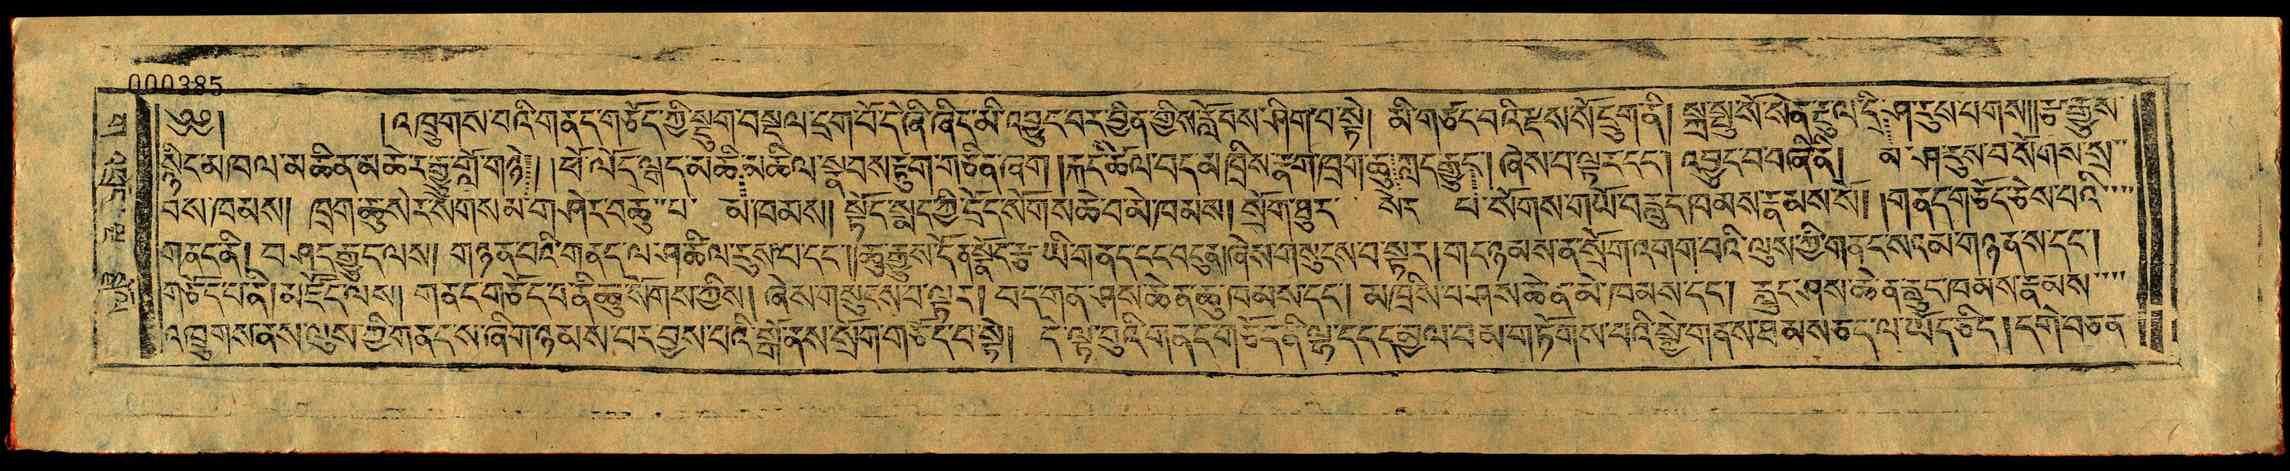༄༅། །འཁྲུགས་པའི་གནད་གཅོད་ཀྱི་སྡུག་བསྔལ་དྲག་པོ་དེ་ཞི་ཞིང་མི་འགྱུར་བར་བྱིན་གྱིས་རློབས་ཤིག་པ་སྟེ། མི་གཙང་བའི་རྫས་སོ་དྲུག་ནི། སྐྲ་སྤུ་སོ་སེན་རྡུལ་དྲི་ཤ་རུས་པགས། །རྩ་རྒྱུས་
སྙིང་མཁལ་མཆིན་མཆེར་རྒྱུ་གློ་གཉེ་མ། །ཕོ་ལོང་ལྒང་པ་མཆི་མ་མཆིལ་སྣབས་རྟུག་གཅིན་ཞག །རྐང་ཚིལ་བད་མཁྲིས་རྣག་ཁྲག་ཆུ་སེར་ཀླུང་རྒྱུད་པ། ཞེས་པ་ལྟར་དང་། འབྱུང་བ་བཞི་ནི། མ་ཤ་རུས་པ་སོགས་སྲ་
བས་ཁམས། ཁྲག་ཆུ་སེར་སོགས་མ་གཤེར་བ་ཆུ་ཁམས། སྟོད་སྨད་ཀྱི་དྲོད་སོགས་ཚ་བ་མེ་ཁམས། སྲོག་ཐུར་སོགས་གཡོ་བ་རླུང་ཁམས་སྣམས་སོ། །གནད་གཅོད་ཅེས་པའི་
གནད་ནི། བཤད་རྒྱུད་ལས། གཉན་པའི་གནད་ལ་ཤ་ཚིལ་རུས་པ་དང་། ཆུ་རྒྱུས་དོན་སྣོད་རྩ་ཡི་གནད་དང་བདུན་ཞེས་གསུངས་པ་ལྟར། གང་ཉམས་ན་སྲོག་འགག་པའི་ལུས་ཀྱི་གནད་སའམ་གཉན་པ་དང་།
གཅོད་པ་ནི། མཛོད་ལས། གནད་གཅོད་པ་ནི་ཆུ་སོགས་ཀྱིས། ཞེས་གསུངས་པ་ལྟར། བད་ཀན་ཤས་ཆེ་ན་ཆུ་ཁམས་དང་། མཁྲིས་པ་ཤས་ཆེ་ན་མེ་ཁམས་དང་། རླུང་ཤས་ཆེ་ན་རླུང་ཁམས་རྣམས་
འཁྲུགས་ནས་ལུས་ཀྱི་གནད་ས་ཞིག་ཉམས་པར་བྱས་པའི་སྒོ་ནས་སྲོག་གཅོད་པ་སྟེ། དེ་ལྟ་བུའི་གནད་གཅོད་ནི་ལྷ་དང་དམྱལ་བ་མ་གཏོགས་པའི་སྐྱེ་གནས་ཐམས་ཅད་ལ་ཡོད་ཅིང་། དགེ་བ་ཅན་